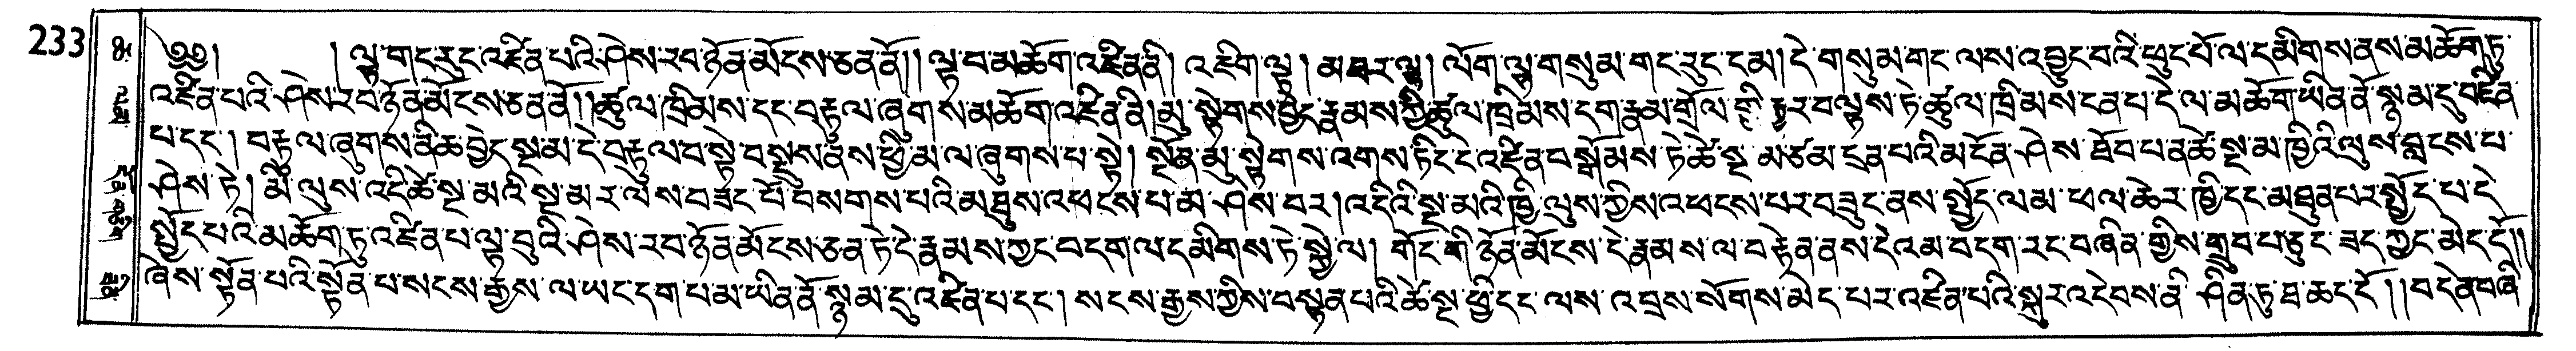༄༅། །ལྟ་གང་རུང་འཛིན་པའི་ཤེས་རབ་ཉོན་མོངས་ཅན་ནོ། །ལྟ་བ་མཆོག་འཛིན་ནི། འཇིག་ལྟ། མཐར་ལྟ། ལོག་ལྟ་གསུམ་གང་རུང་ངམ། དེ་གསུམ་གང་ལས་འབྱུང་བའི་ཕུང་པོ་ལ་དམིགས་ནས་མཆོག་ཏུ་
འཛིན་པའི་ཤེས་རབ་ཉོན་མོངས་ཅན་ནོ། །ཚུལ་ཁྲིམས་དང་བརྟུལ་ཞུགས་མཆོག་འཛིན་ནི། མུ་སྟེགས་བྱེད་རྣམས་ཀྱི་ཚུལ་ཁྲིམས་དག་རྣམ་གྲོལ་གྱི་རྒྱར་བལྟས་ཏེ་ཚུལ་ཁྲིམས་ངན་པ་དེ་ལ་མཆོག་ཡིན་ནོ་སྙམ་དུ་བྫིན་
པ་དང་། བརྟུལ་ཞུགས་ནི་ཆ་བྱེད་སྔ་མ་དེ་བརྟུལ་བ་སྟེ་བསྡུས་ནས་ཕྱི་མ་ལ་ཞུགས་པ་སྟེ། སྔོན་མུ་སྟེགས་འགས་ཏིང་ངེ་འཛིན་བསྒོམས་ཏེ་ཚེ་སྔ་མ་ཙམ་དྲན་པའི་མངོན་ཤེས་ཐོབ་པ་ན་ཚེ་སྔ་མ་ཁྱིའི་ལུས་བླངས་པ་
ཤེས་ཏེ། མི་ལུས་འདི་ཚེ་སྔ་མའི་སྔ་མར་ལས་བཟང་པོ་བསགས་པའི་མཐུས་འཕངས་པ་མ་ཤེས་བར། འདིའི་སྔ་མའི་ཁྱི་ལུས་ཀྱིས་འཕངས་པར་བཟུང་ནས་སྤྱོད་ལམ་ཕལ་ཆེར་ཁྱི་དང་མཐུན་པར་སྤྱོད་པ་དེ་
སྤྱོད་པའི་མཆོག་ཏུ་འཛིན་པ་ལྟ་བུའི་ཤེས་རབ་ཉོན་མོངས་ཅན་ཏེ་དེ་རྣམས་ཀྱང་བདག་ལ་དམིགས་ཏེ་སྐྱེ་ལ། གོང་གི་ཉོན་མོངས་དེ་རྣམས་ལ་བརྟེན་ནས་དེའམ་བདག་རང་བཞིན་གྱིས་གྲུབ་པ་ཅུང་ཟད་ཀྱང་མེད་དོ། །
ཞེས་སྟོན་པའི་སྟོན་པ་སངས་རྒྱས་ལ་ཡང་དག་པ་མ་ཡིན་ནོ་སྙམ་དུ་འཛིན་པ་དང་། སངས་རྒྱས་ཀྱིས་བསྟན་པའི་ཚེ་སྔ་ཕྱི་དང་ལས་འབྲས་སོགས་མེད་པར་འཛིན་པའི་སྐུར་འདེབས་ནི་ཤིན་ཏུ་ཐ་ཆད་དོ། །བདེན་བཞི་